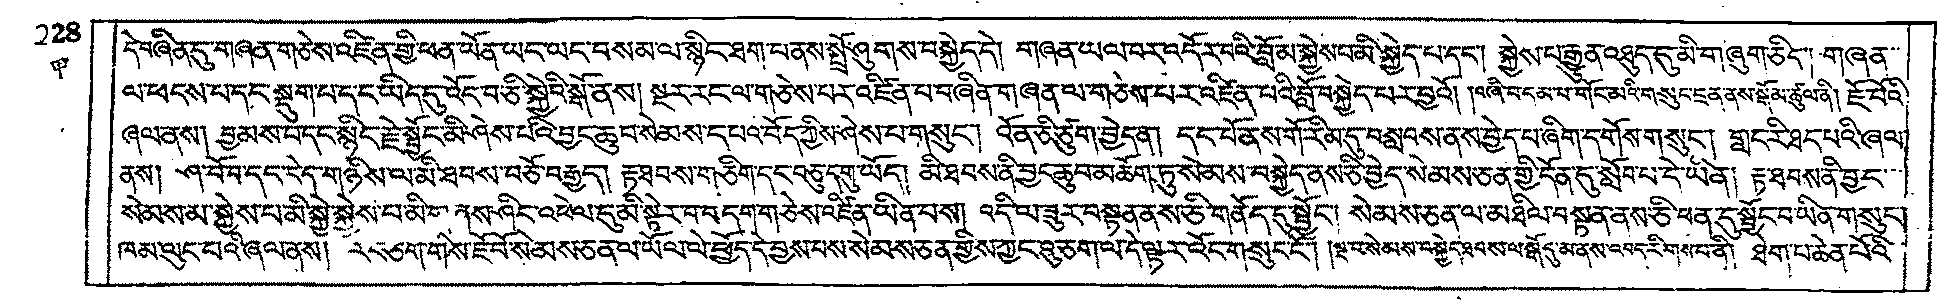དེ་བཞིན་དུ་གཞན་གཅེས་འཛིན་གྱི་ཕན་ཡོན་ཡང་ཡང་བསམ་ལ་སྙིང་ཐག་པ་ནས་སྤྲོ་ཤུགས་བསྐྱེད་དེ། གཞན་ཡལ་བར་འདོར་བའི་བློ་མ་སྐྱེས་པ་མི་སྐྱེད་པ་དང་། སྐྱེས་པ་རྒྱུན་འཐུད་དུ་མི་གཞུག་ཅིང་། གཞན་
ལ་ཕངས་པ་དང་སྡུག་པ་དང་ཡིད་དུ་འོང་བ་ཅི་སྐྱེའི་སྒོ་ནས། སྔར་རང་ལ་གཅེས་པར་འཛིན་པ་བཞིན་གཞན་ལ་གཅེས་པར་འཛིན་པའི་བློ་བསྐྱེད་པར་བྱའོ། །བཞི་པ་དམ་པ་གོང་མའི་གསུང་དྲན་ནས་སྒོམ་ཚུལ་ནི།  ཇོ་བོའི་
ཞལ་ནས། བྱམས་པ་དང་སྙིང་རྗེ་སྦྱོང་མི་ཤེས་པའི་བྱང་ཆུབ་སེམས་དཔའ་བོད་ཀྱིས་ཤེས་པ་གསུང་། འོ་ན་ཅི་ཙུག་བྱེད་ན། དང་པོ་ནས་གོ་རིམ་དུ་བསླབས་ནས་བྱེད་པ་ཞིག་དགོས་གསུང་། གླང་རི་ཐང་པའི་ཞལ་
ནས། ཤ་བོ་བ་དང་ངེད་གཉིས་ལ་མི་ཐབས་བཅོ་བརྒྱད། རྟ་ཐབས་གཅིག་དང་བཅུ་དགུ་ཡོད། མི་ཐབས་ནི་བྱང་ཆུབ་མཆོག་ཏུ་སེམས་བསྐྱེད་ནས་ཅི་བྱེད་སེམས་ཅན་གྱི་དོན་དུ་སློབ་པ་དེ་ཡིན། རྟ་ཐབས་ནི་བྱང་
སེམས་མ་སྐྱེས་པ་མི་སྐྱེ་སྐྱེས་པ་མི་གནས་ཤིང་འཕེལ་དུ་མི་སྟེར་བ་བདག་གཅེས་འཛིན་ཡིན་པས། འདི་ལ་ཟུར་བསྟན་ནས་ཅི་གནོད་དུ་སྦྱོང་། སེམས་ཅན་ལ་མཐིལ་བསྟན་ནས་ཅི་ཕན་དུ་སྦྱོང་བ་ཡིན་གསུངས།
ཁམ་ལུང་པའི་ཞལ་ནས། རང་ཅག་གིས་ཇོ་བོ་སེམས་ཅན་ལ་ཡོལ་ལེ་ཕྱོད་དེ་བྱས་པས་སེམས་ཅན་གྱིས་ཀྱང་འུ་ཅག་ལ་དེ་ལྟར་འོང་གསུང་ངོ། །ལྔ་བ་སེམས་བསྐྱེད་ཐབས་ལ་སྒོ་དུ་མ་ནས་འབད་རིགས་པ་ནི།  ཐེག་པ་ཆེན་པོའི་